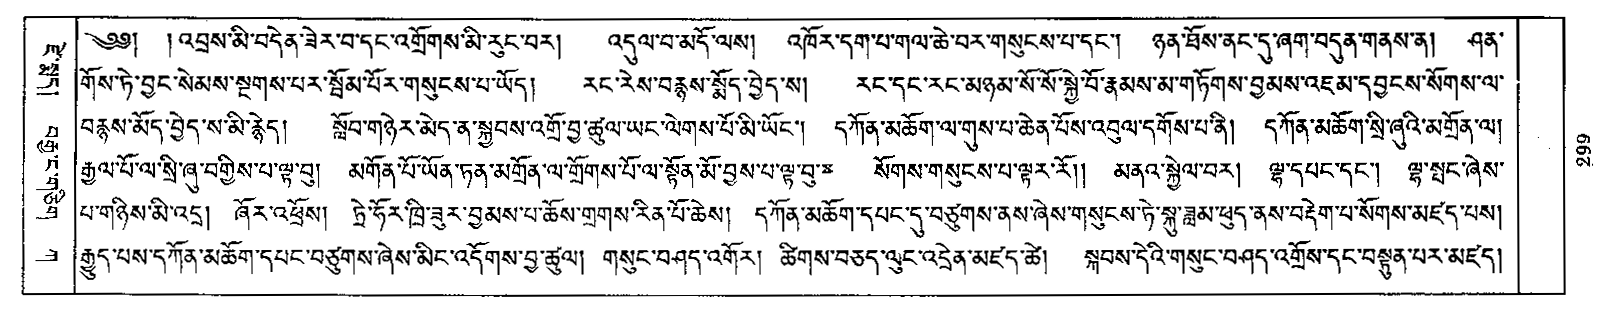༄༅། །འབྲས་མི་བདེན་ཟེར་བ་དང་འགྲོགས་མི་རུང་བར། འདུལ་བ་མདོ་ལས། འཁོར་དག་པ་གལ་ཆེ་བར་གསུངས་པ་དང་། ཉན་ཐོས་ནང་དུ་ཞག་བདུན་གནས་ན། ཤན་
གོས་ཏེ་བྱང་སེམས་སྔགས་པར་སྦོམ་པོར་གསུངས་པ་ཡོད། རང་རེས་བརྙས་སྨོད་བྱེད་ས། རང་དང་རང་མཉམ་སོ་སོ་སྐྱེ་བོ་རྣམས་མ་གཏོགས་བྱམས་འཇམ་དབྱངས་སོགས་ལ་
བརྙས་མོད་བྱེད་ས་མི་རྙེད། སློབ་གཉེར་མེད་ན་སྐྱབས་འགྲོ་བྱ་ཚུལ་ཡང་ལེགས་པོ་མི་ཡོང་། དཀོན་མཆོག་ལ་གུས་པ་ཆེན་པོས་འབུལ་དགོས་པ་ནི། དཀོན་མཆོག་སྲི་ཞུའི་མགྲོན་ལ།
རྒྱལ་པོ་ལ་སྲི་ཞུ་བགྱིས་པ་ལྟ་བུ། མགོན་པོ་ཡོན་ཏན་མགྲོན་ལ་གྲོགས་པོ་ལ་སྟོན་མོ་བྱས་པ་ལྟ་བུ་སོགས་གསུངས་པ་ལྟར་རོ།། མནའ་སྐྱེལ་བར། ལྷ་དཔང་དང་། ལྷ་སྤང་ཞེས་
པ་གཉིས་མི་འདྲ། ཞོར་འཕྲོས། ཏྲེ་ཧོར་ཁྲི་ཟུར་བྱམས་པ་ཆོས་གྲགས་རིན་པོ་ཆེས། དཀོན་མཆོག་དཔང་དུ་བཙུགས་ནས་ཞེས་གསུངས་ཏེ་སྐུ་ཟླམ་ཕུད་ནས་བརྡེག་པ་སོགས་མཛད་པས།
རྒྱུད་པས་དཀོན་མཆོག་དཔང་བཙུགས་ཞེས་མིང་འདོགས་བྱ་ཚུལ། གསུང་བཤད་འགྲོ། ཚིགས་བཅད་ལུང་འདྲེན་མཛད་ཚེ། སྐབས་དེའི་གསུང་བཤད་འགྲོས་དང་བསྟུན་པར་མཛད།